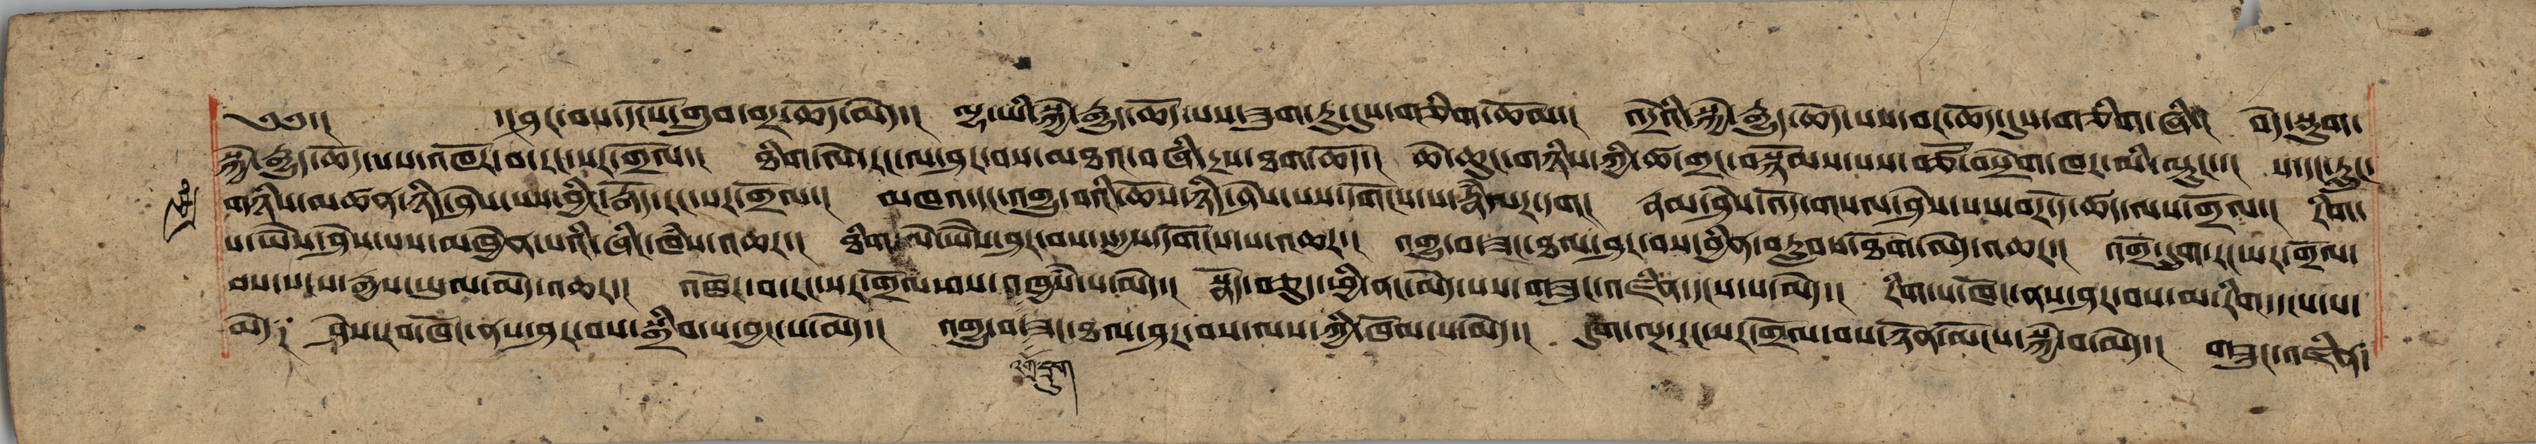༄༅་། ་།ཤར་བས་དངོས་གྲུབ་བར་ཆོད་མེད་། ལྷ་ཡི་སྐྱེ་རྒྱུད་ཆོད་པས་ཟུག་རུ་དུས་གཅིག་ཆོམ་། འདྲེའི་སྐྱེ་རྒྱུད་ཆོད་པས་བར་ཆོད་དུས་གཅིག་ཞི་། བདེ་སྡུག་
སྐྱེ་རྒྱུད་ཆོད་པས་འཁོར་བ་རང་སར་གྲོལ་། ཐིག་ལེ་རང་ལ་ཤར་བས་མཐའ་བཞི་རས་ཐག་ཆོད་། ཆེ་ཆུང་གཉིས་ཀྱི་ཚ་གྲང་བསྙོམས་པས་བཙོ་བསྲེག་ཁར་མི་ལྟུང་། ས་དང་རླུང་
གཉིས་མཚན་ཉིད་ཤེས་པས་བྱིང་རྒོད་རང་སར་གྲོལ་། མཁའ་དང་འགྱུ་བའི་ཆོས་ཉིད་ཤེས་པས་དགོངས་པ་རྣཾ་པར་དག། རྣམ་ཤེས་འོད་གསལ་ཤེས་པས་བར་དོ་ཚད་ལས་གྲོལ་། རིག་
པ་ཡཻས་ཤེས་པས་མཁྱེན་པའི་ཞིང་ཁཾས་འཆར་། ཐིག་ལེ་ཡཻས་ཤར་བས་སདྱས་དགོངས་པ་འཆར་། འགྱུ་བ་ཟང་ཐལ་ཤར་བས་བྱིན་བརླབས་ཐོག་མེད་འཆར་། འགྲོ་དྲུག་རང་སར་གྲོལ་
བས་སངས་རྒྱས་ཡུལ་མེད་འཆར་། འཁོར་བ་རང་སར་གྲོལ་བས་འཁྱཾས་པ་མེད་། སྣོད་བཅུད་ཕྱི་ནང་མེད་པས་གཟུང་འཛིན་དངས་པ་མེད་། རིག་པ་ཁོང་ནས་ཤར་བས་མ་རིག་དངས་པ་
མེད༑ ཤེས་རབ་ཁོང་ནས་ཤར་བས་སྒྲིབ་པ་བྱང་པ་མེད་། འགྱུ་བ་ཟང་ཐལ་ཤར་བས་ལས་ཀྱི་ཁོམ་པ་མེད་། དུག་ལྔ་རང་སར་གྲོལ་བས་ཉོན་མོངས་སྐྱེ་བ་མེད་། གཟུང་འཛིན་